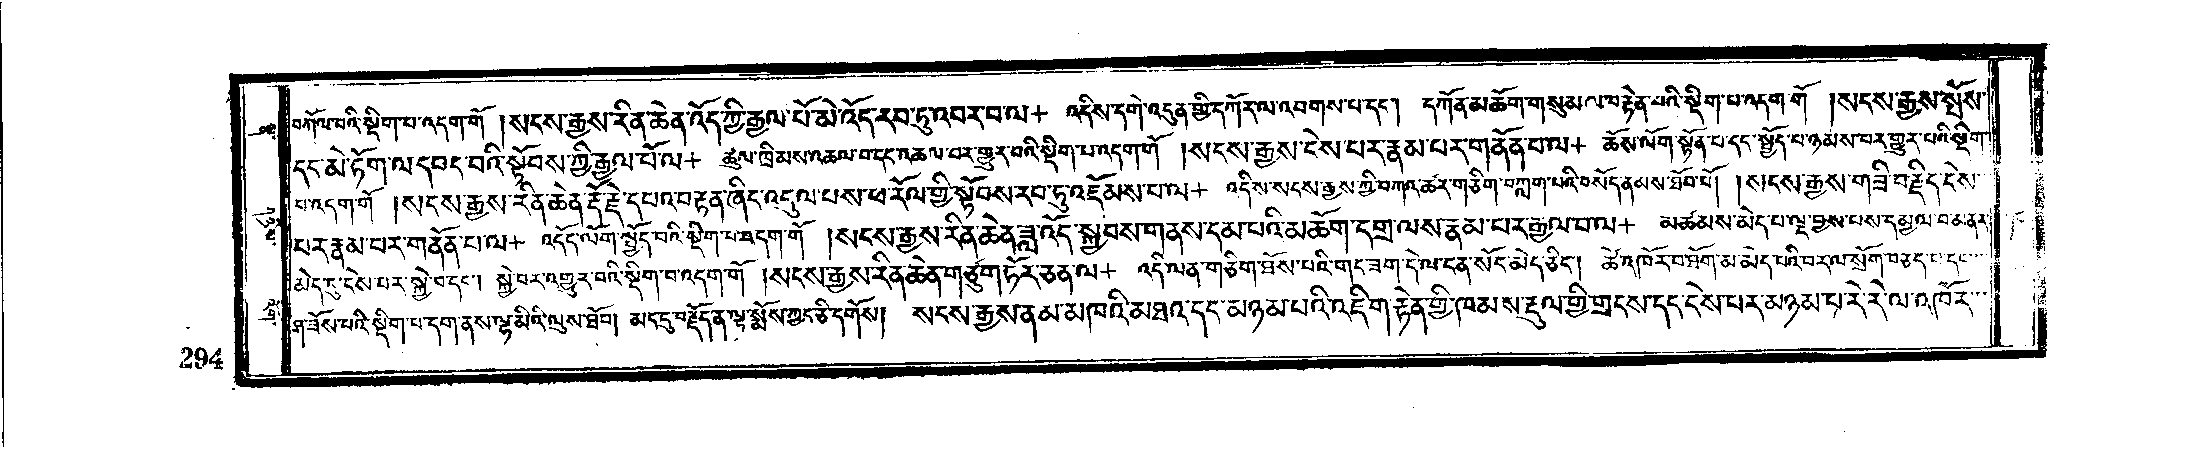བཀོལ་བའི་སྡིག་པ་འདག་གོ །སངས་རྒྱས་རིན་ཆེན་འོད་ཀྱི་རྒྱལ་པོ་མེ་འོད་རབ་ཏུ་འབར་བ་ལ་+་འདིས་དགེ་འདུན་གྱི་དཀོར་ལ་འབགས་པ་དང་། དཀོན་མཆོག་གསུམ་ལ་བརྟེན་པའི་སྡིག་པ་འདག་གོ །སངས་རྒྱས་སྤོས་
དང་མེ་ཏོག་ལ་དབང་བའི་སྟོབས་ཀྱི་རྒྱལ་པོ་ལ་+་ཚུལ་ཁྲིམས་འཆལ་བ་དང་འཆལ་བར་གྱུར་བའི་སྡིག་པ་འདག་གོ །སངས་རྒྱས་ངེས་པར་རྣམ་པར་གནོན་པ་ལ་+་ཆོས་ལོག་སྟོན་པ་དང་སྤྱོད་པ་ཉམས་པར་གྱུར་པའི་སྡིག་
པ་འདག་གོ །སངས་རྒྱས་རིན་ཆེན་རྡོ་རྗེ་དཔའ་བརྟན་ཞིང་འདུལ་པས་ཕ་རོལ་གྱི་སྟོབས་རབ་ཏུ་འཇོམས་པ་ལ་+་འདིས་སངས་རྒྱས་ཀྱི་བཀའ་ཚར་གཅིག་བཀླག་པའི་བསོད་ནམས་ཐོབ་པོ། །སངས་རྒྱས་གཟི་བརྗིད་ངེས་
པར་རྣམ་པར་གནོན་པ་ལ་+་འདོད་ལོག་སྤྱོད་པའི་སྡིག་པ་བདག་གོ །སངས་རྒྱས་རིན་ཆེན་ཟླ་འོད་སྐྱབས་གནས་དམ་པའི་མཆོག་དགྲ་ལས་རྣམ་པར་རྒྱལ་བ་ལ་+་མཚམས་མེད་པ་ལྔ་བྱས་པས་དམྱལ་བ་མནར་
མེད་དུ་ངེས་པར་སྐྱེ་བ་དང་། སྐྱེ་བར་འགྱུར་བའི་སྡིག་བ་འདག་གོ །སངས་རྒྱས་རིན་ཆེན་གཙུག་ཏོར་ཅན་ལ་+་འདི་ལན་གཅིག་ཐོས་པའི་གང་ཟག་དེ་ལ་ངན་སོང་མེད་ཅིང་། ཚེ་འཁོར་བ་ཐོག་མ་མེད་པའི་བར་ལ་སྲོག་བཅད་པ་དང་
ཤ་ཟོས་པའི་སྡིག་པ་དག་ནས་ལྷ་མིའི་ལུས་ཐོབ། མང་དུ་བརྗོད་ན་ལྷ་སྨོས་ཀྱང་ཅི་དགོས། སངས་རྒྱས་ནམ་མཁའི་མཐའ་དང་མཉམ་པའི་འཇིག་རྟེན་གྱི་ཁམས་རྡུལ་གྱི་གྲངས་དང་ངེས་པར་མཉམ་པ་རེ་རེ་ལ་འཁོར་